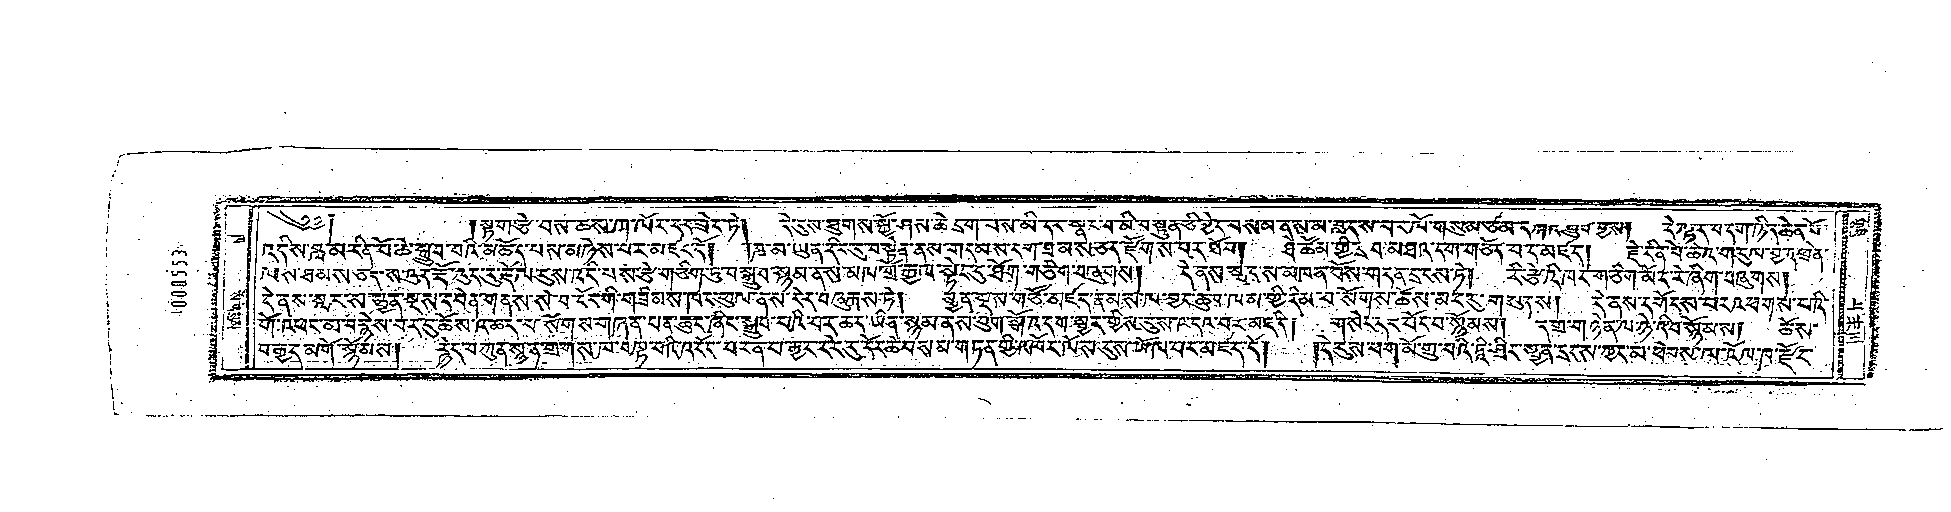༄༅། །སྟག་རྩེ་བས་ཆས་ཀ་ལོང་དར་ཟེར་ཏེ། དེ་དུས་ཐུགས་སྐྱོ་ཤས་ཆེ་དྲག་པས་མི་དང་སྣང་བ་མི་བསྟུན་ཅི་བྱེད་བསམ་ནས་མ་བླངས་པར་ལོ་གསུམ་ཙམ་དཀའ་ཐུབ་བྱས། དེ་ལྟར་བདག་ཉིད་ཆེན་པོ་
འདིས་བླ་མ་རིན་པོ་ཆེ་སྒྲུབ་བའི་མཆོད་པས་མཉེས་པར་མཛད་དོ། །བླ་མ་ཡུན་རིང་དུ་བསྟེན་ནས་གདམས་ངག་ཐམས་ཅད་རྫོགས་པར་ཐོབ། ཐེ་ཚོམ་གྱི་དྲ་བ་མཐའ་དག་གཅོད་པར་མཛད། རྗེ་རིན་པོ་ཆེའི་གདུལ་བྱ་འཕྲེན་
ལས་ཐམས་ཅད་ས་འུར་རྡོ་འུར་དུ་རྡོལ་དུས་འདི་པས་རྩེ་གཅིག་ཏུ་བསྒྲུབ་སྙམ་ནས་མལ་གྲོ་རྒྱལ་སྟེང་དུ་ཐོག་གཅིག་བཞུགས། དེ་ནས་སྤངས་མཁན་བོས་གདན་དྲངས་ཏེ། རི་རྩེའི་ཁང་གཅིག་མོར་རེ་ཞིག་བཞུགས།
དེ་ནས་སླར་ས་སྤྱན་སྔས་དབེན་གནས་སེ་བ་རོང་གི་གཟིམས་ཁང་ཕུལ་ནས་དེར་བཞུརྐས?་ཏེ། སྤྱན་སྔས་གཙོ་མཛད་རྣམས་ལ་བྱང་ཆུབ་ལམ་གྱི་རིམ་བ་སོགས་ཆོས་མང་དུ་གསུངས། དེ་ནས་དགོངས་བར་འཕགས་པའི་
གོ་འཕང་མ་བརྙེས་བར་དུ་ཆོས་འཆད་པ་སོགས་གཞན་ཕན་ཆུང་ཞིང་སྒྲུབ་པའི་བར་ཆད་ཡིན་སྙམ་ནས་བུག་སྒོ་འདག་སྦྱར་གྱིས་དུས་འདའ་བར་མཛད། གསེར་དང་བོར་བ་སྙོམས། དགྲ་གཉེན་ལ་ཉེ་འི་བསྙོམས། ཆོས་
བརྒྱད་མགོ་སྙོམས། རྙེད་བ་ཀུན་སྙན་གྲགས་ལ་བལྟ་བའི་འདོད་པ་ངན་པ་རྒྱང་དེར་དུ་དོར་ཚེ་བསམ་གཏན་གྱི་འཁོར་ལོས་དུས་ཡོལ་བར་མཛད་དོ། །དེ་དུས་ཕག་མོ་གྲུ་པའི་ཏཱི་ཤྲིར་སྤྱན་དྲངས་ཀྱང་མ་ཕེབས་ལ་འོལ་ཁ་རྫོང་